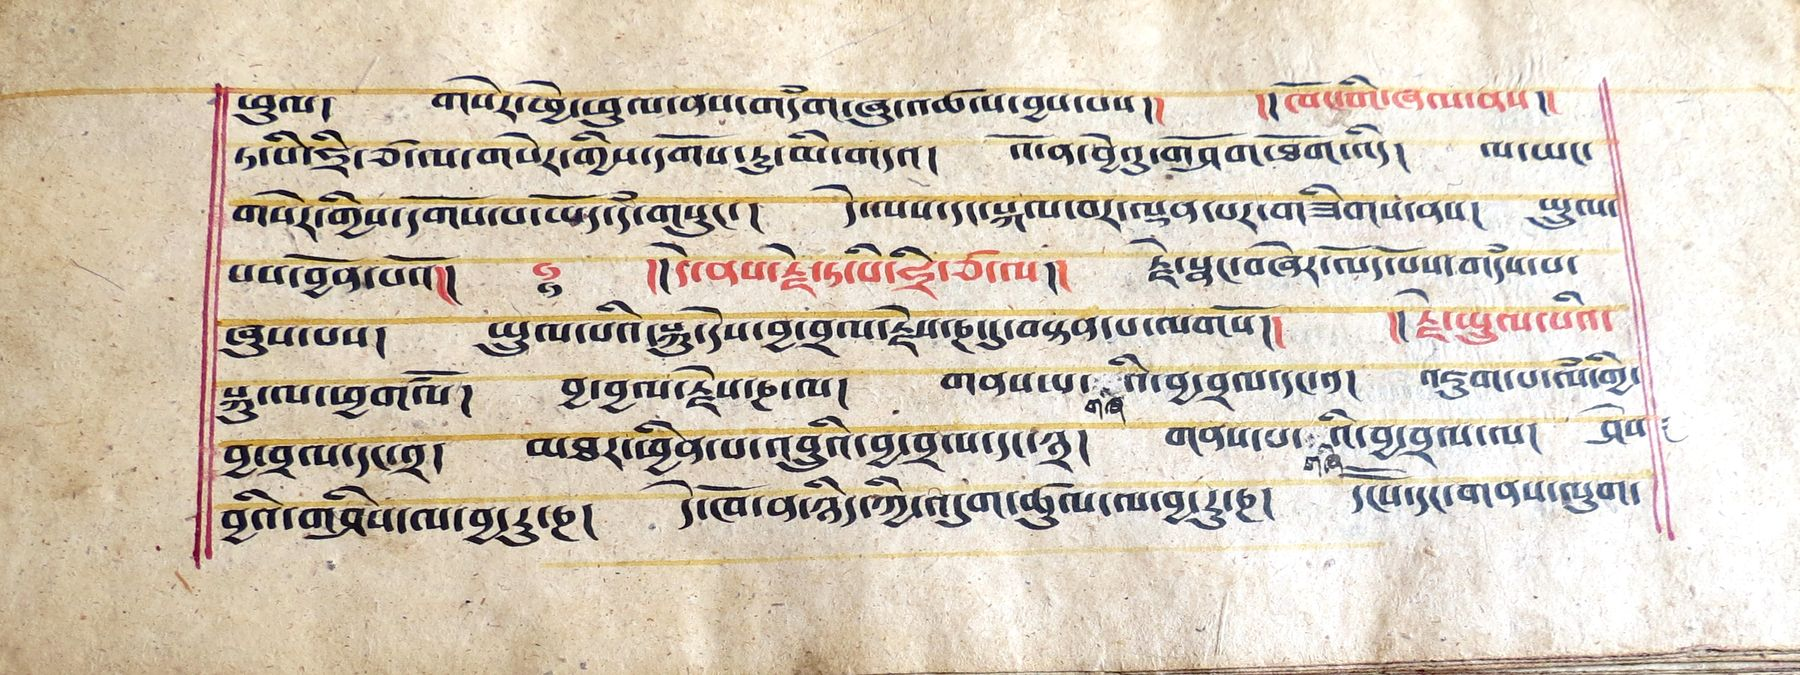ཕུལ། གསེར་ཕྱེ་ཕུལ་ནས་གདམས་ངག་ཞུ་འཚལ་བྱས་པས། ཁོང་གིས་ཞལ་ནས། 
ཏ་པི་ཧྲི་ཙ་ལ་གསེར་གྱི་དགོས་པ་མི་གདའ། འོ་ན་བྱིའུ་གཤོག་ཐོགས་འདི་ལ་ཡང་
གསེར་གྱི་དགོས་པ་ཡོད་དམ་གསུང་། དེ་ལས་དང་སྐལ་བར་ལྡན་པ་གཟིགས་ནས་སྤྲུལ་
པ་བྱོན་པའོ། །དེ་ནས་རྗེ་ཏ་པི་ཧྲི་ཙ་ལ། རྗེ་སྣང་བཞེར་ལོད་པོས་གདམས་པ་
ཞུས་པས། སྤྲུལ་པའི་སྐུ་དེས་བྱ་བྲལ་རྗེས་མེད་དུ་བསྟན་པ་ལགས་སོ། །རྗེ་སྤྲུལ་པའི་
སྐུ་ལ་ཕྱག་འཚལ་ལོ། །བྱ་བྲལ་རྗེས་མེད་ལ། གནས་པ་གཞིའི་བྱ་བྲལ་དང་གཅིག འཇུག་པ་ལམ་གྱི་
བྱ་བྲལ་དང་གཉིས། མཐར་ཕྱིན་འབྲས་བུའི་བྱ་བྲལ་དང་གསུམ་མོ། །གནས་པ་གཞིའི་བྱ་བྲལ་ལ། ཤེས་
བྱའི་གཤིས་ལ་བྱ་རུ་མེད། དེ་ཁོ་ན་ཉིད་ཀྱི་འདུག་ཚུལ་ལ་བྱ་རུ་མེད། དངོས་པོ་དང་གནས་ལུགས་